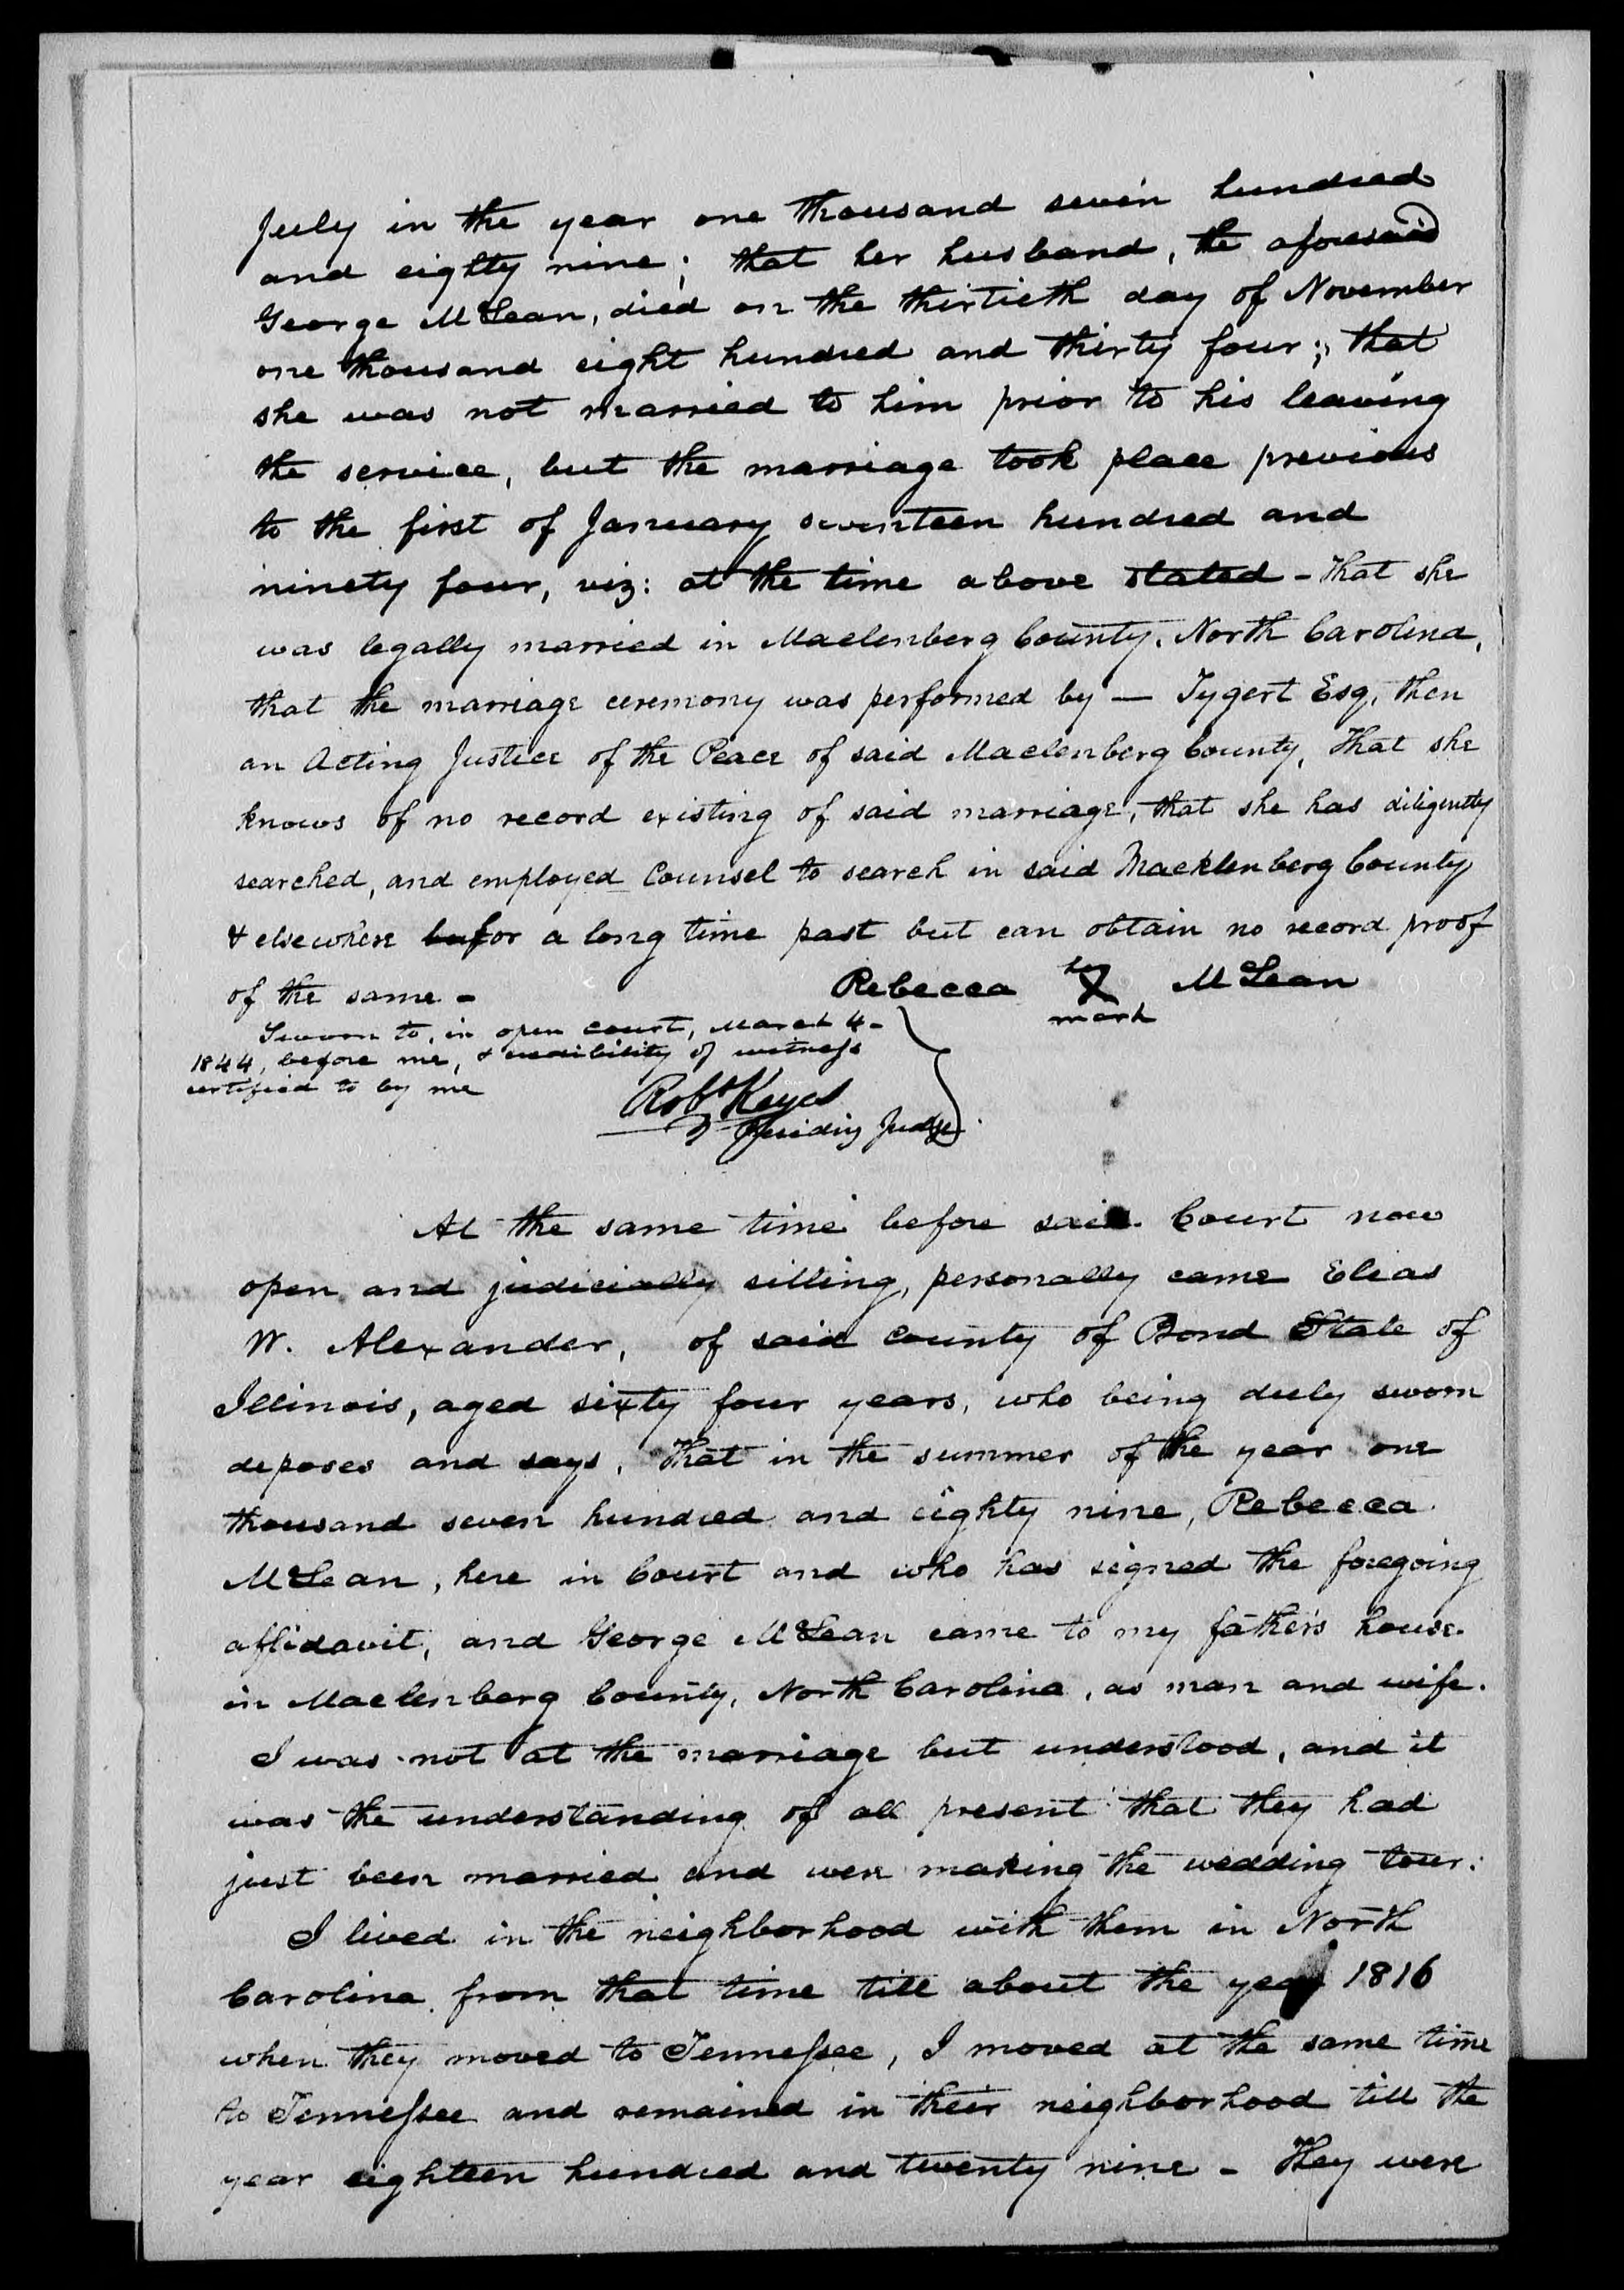July in the year one thousand seven hundred and eighty nine; that her husband, the aforesaid George McLean, died on the thirtieth day of November one thousand eight hundred and thirty four; that she was not married to him prior to his leaving the service, but the marriage took place previous to the first of January seventeen hundred and ninety four, viz: at the time above stated - that she was legally married in Mecklenburg County, North Carolina, that the marriage ceremony was performed by- Tygert Esq. then an acting Justice of the Peace of said Mecklenburg County. That she knows of no record existing of said marriage, that she has diligently searched, and employed counsel to search in said Mecklenburg County & elsewhere for a long time past but can obtain no record proof of the same – 
Rebecca [her x mark] McLean 
Sworn to in open Court, March 4} 
1844, before me, & credibility of witnesses} 
certified to by me}
Robert Keyes
Presiding Judge

At the same time before said Court now open and judicially sitting, personally came Elias W. Alexander, of said County of Bond State of Illinois, aged sixty four years, who being duly sworn deposes and says, that in the summer of the year one thousand seven hundred and eighty nine, Rebecca McLean, here in Court and who has signed the foregoing affidavit, and George McLean came to my father's house in Mecklenburg County, North Carolina, as man and wife. 
I was not at the marriage but understood, and it was the understanding of all present that they had just been married and were making the wedding tour. 
I lived in the neighborhood with them in North Carolina from that time till about the year 1816 when they moved to Tennessee, I moved at the same time to Tennessee and remained in their neighborhood till the year eighteen hundred and twenty nine. They were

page: 5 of 67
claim: widow's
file: W. 21793, for George Mc Lain, North Carolina